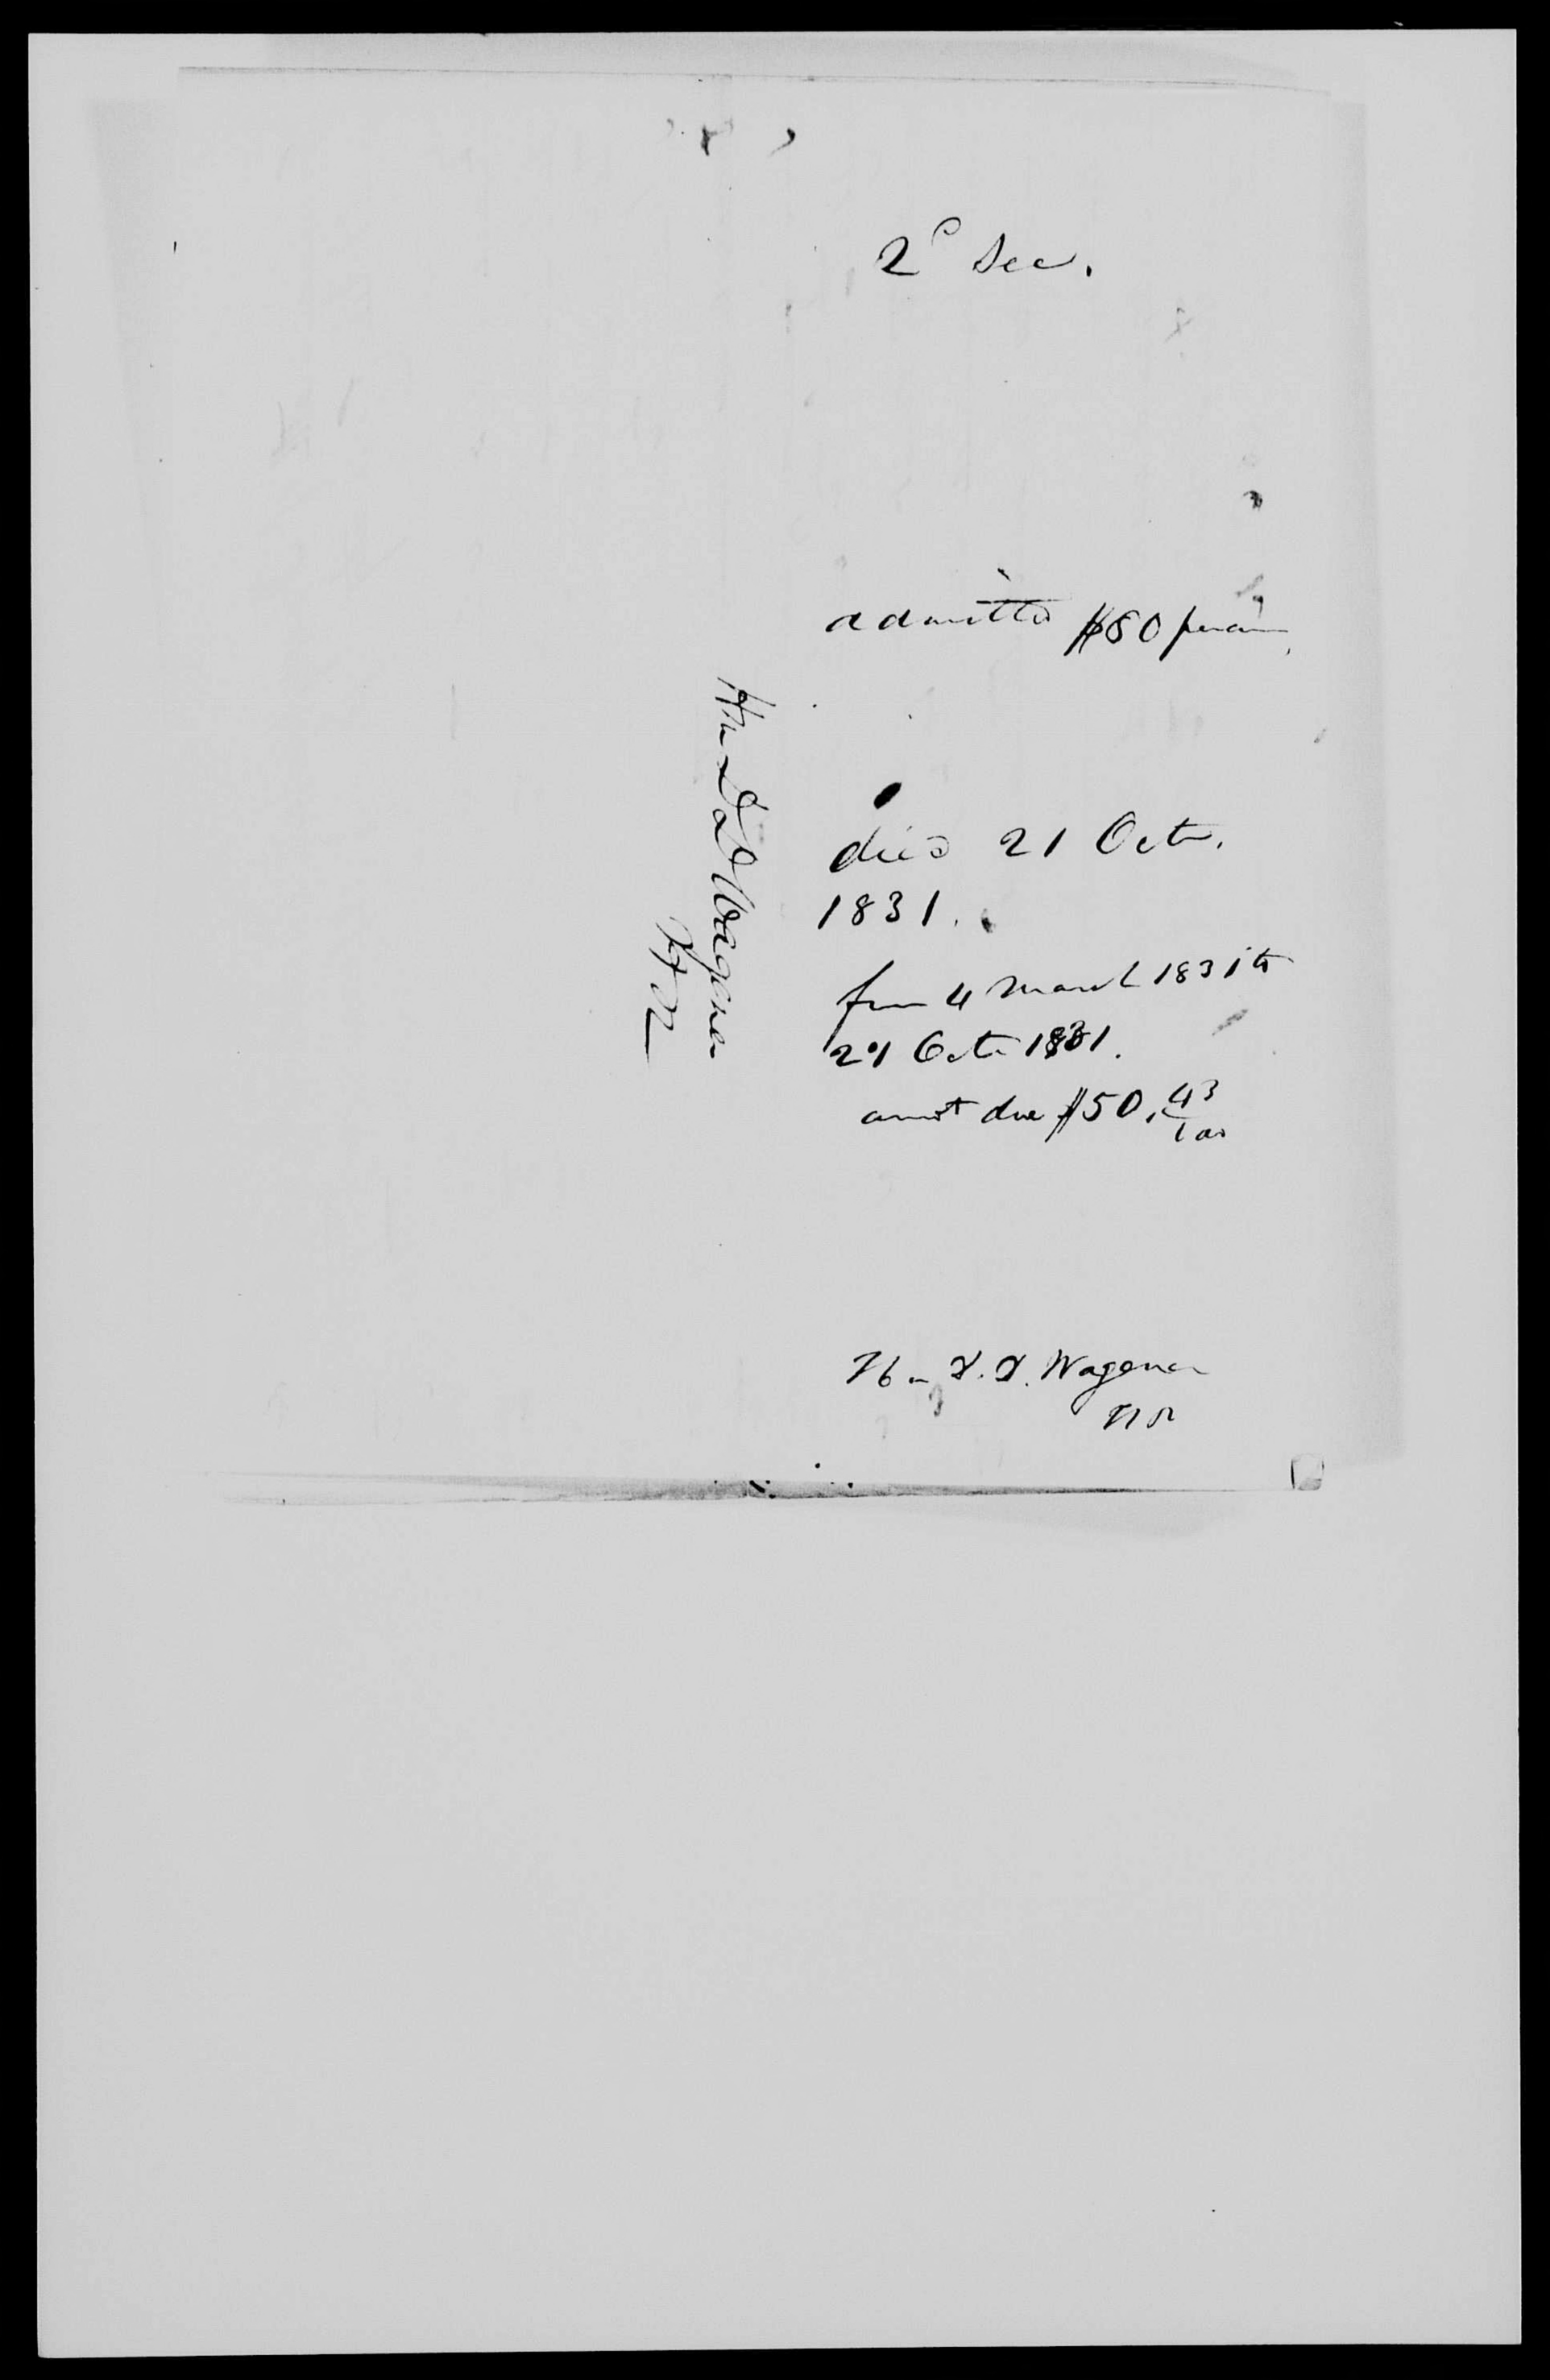admitted $80 per
died 21 Oct.
1831
for 4 March 1831 to
21 6 1831
not due $50.
J. S. Wagner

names: D D Wagener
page: 50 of 79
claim: widow's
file: W. 2,906, Stephen Bennet, Conn.